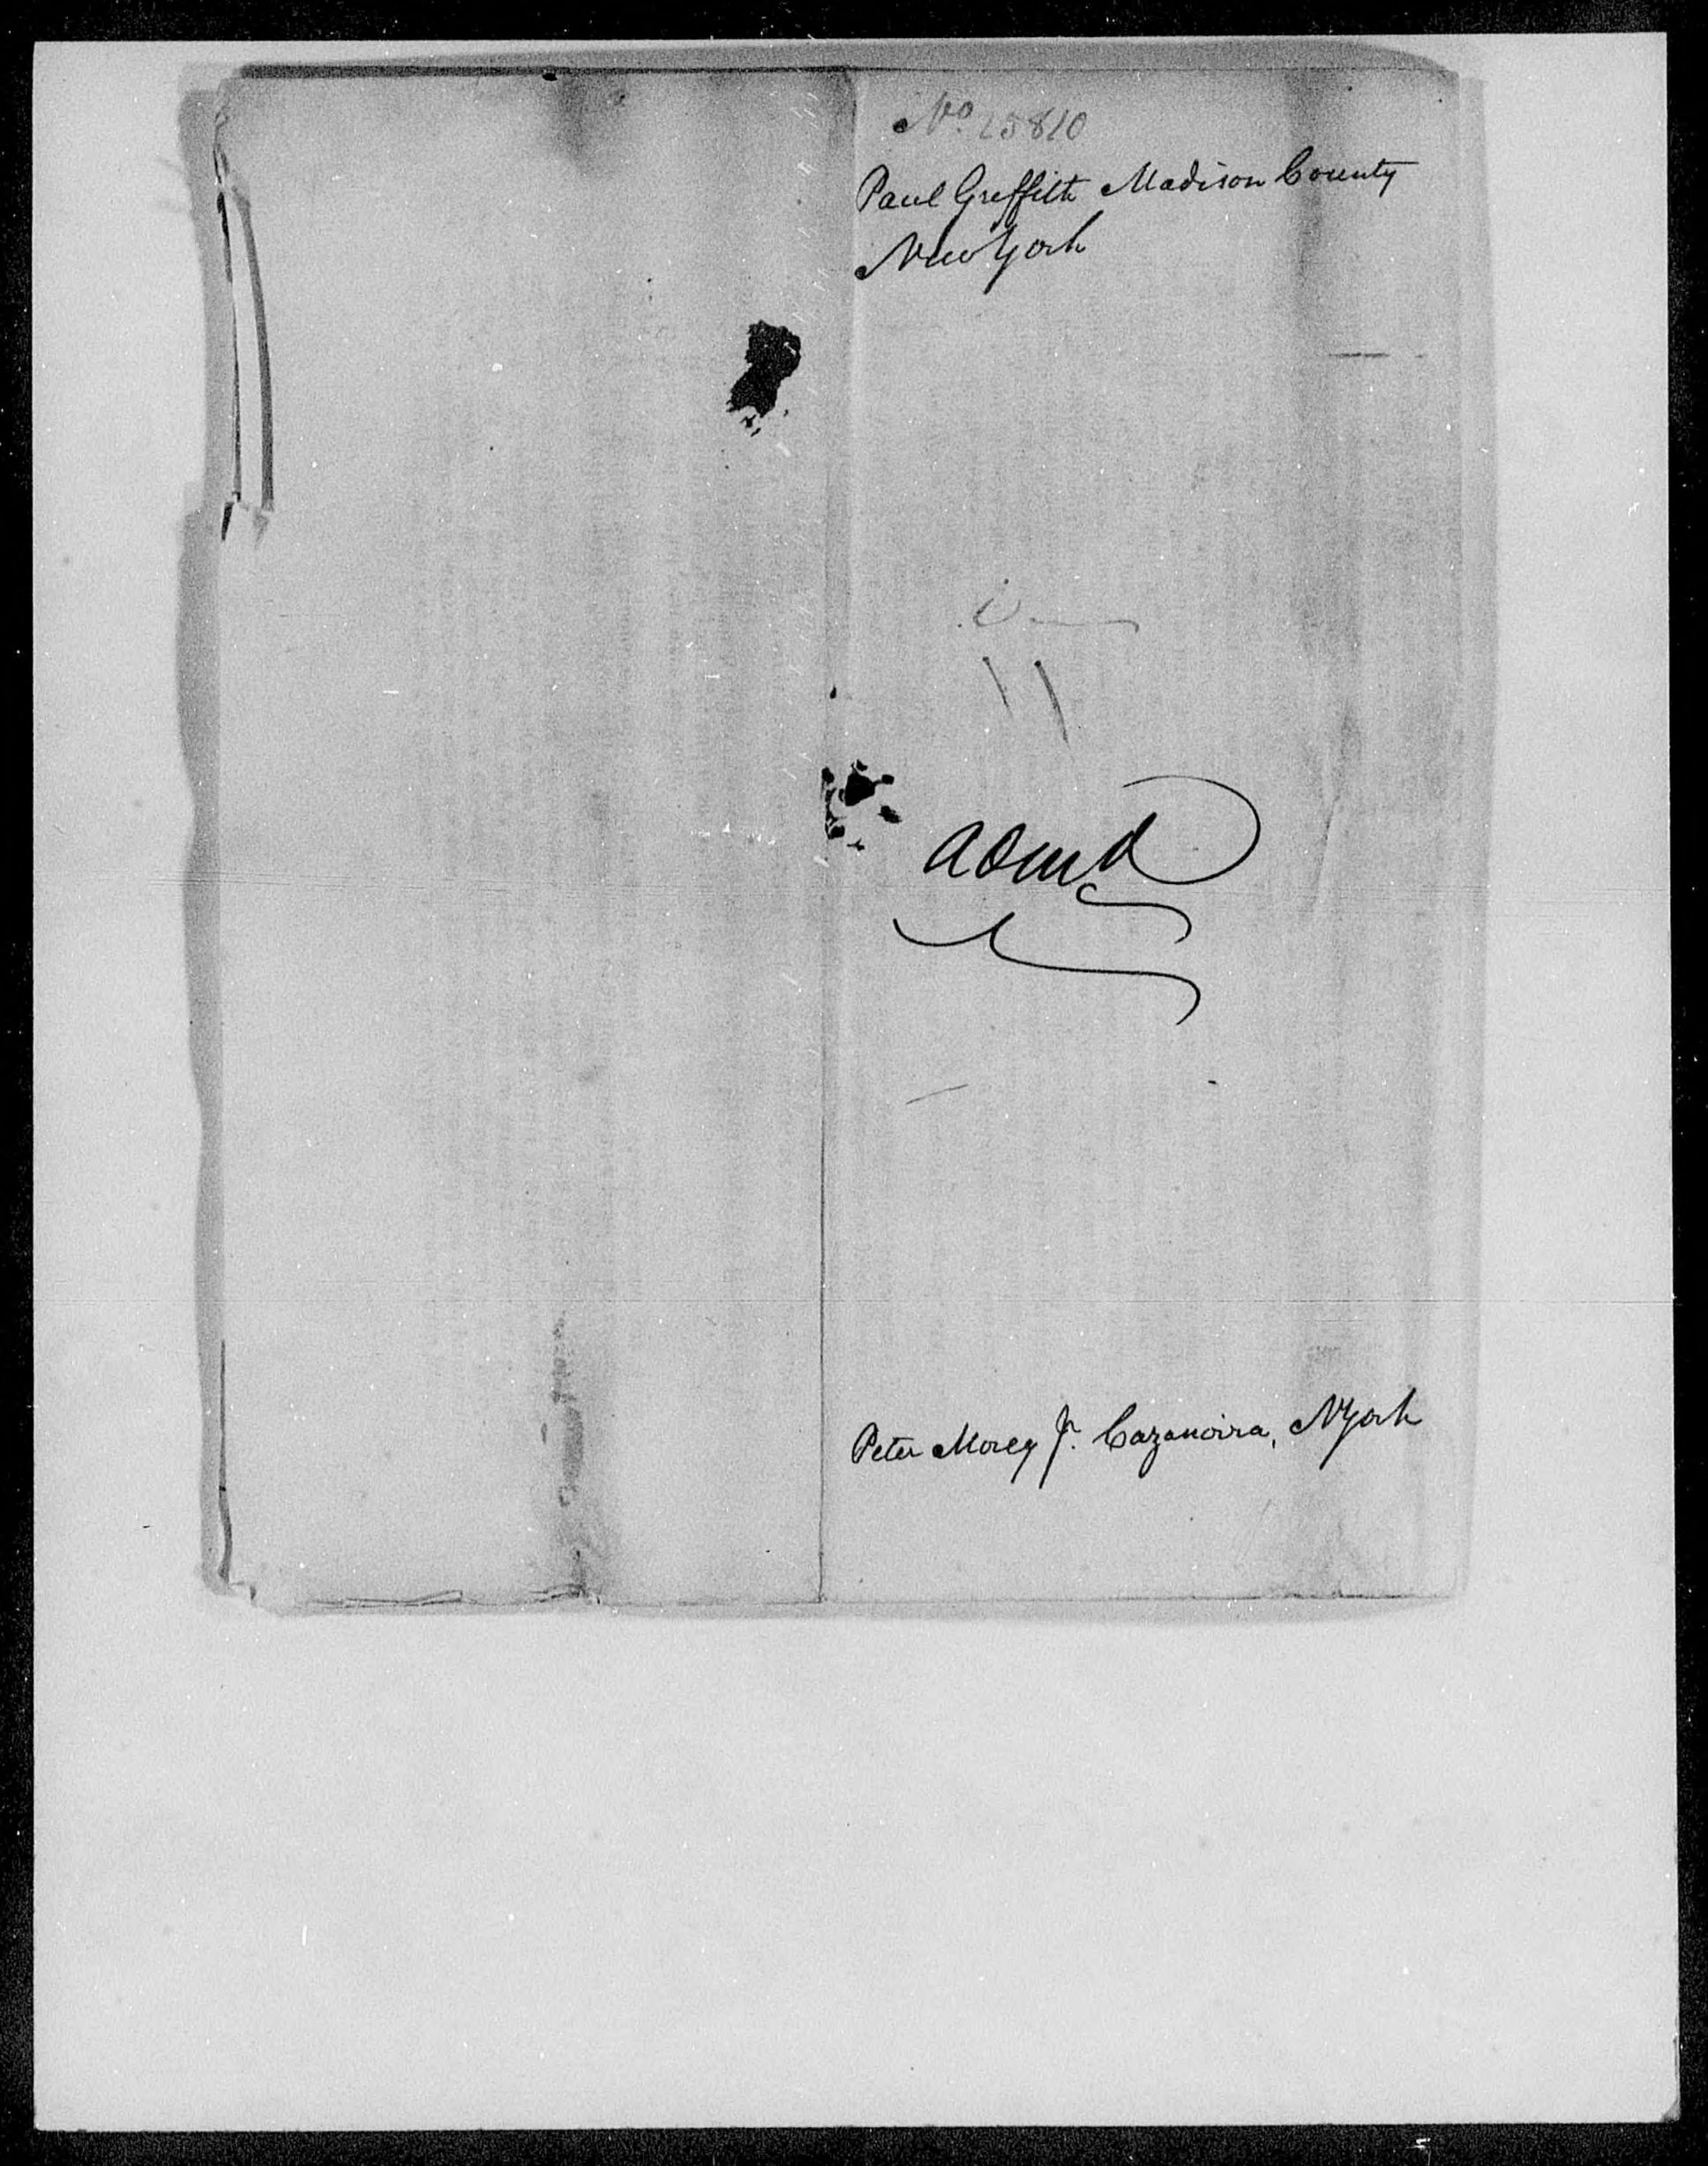No. L5810

Paul Griffith, Madison County, New York

a omd

Peter Morey Jr. Cazenovia, New York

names: Paul Griffith, Peter Morey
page: 23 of 61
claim: survivor's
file: S. 22798, Paul Griffiths, R.I.